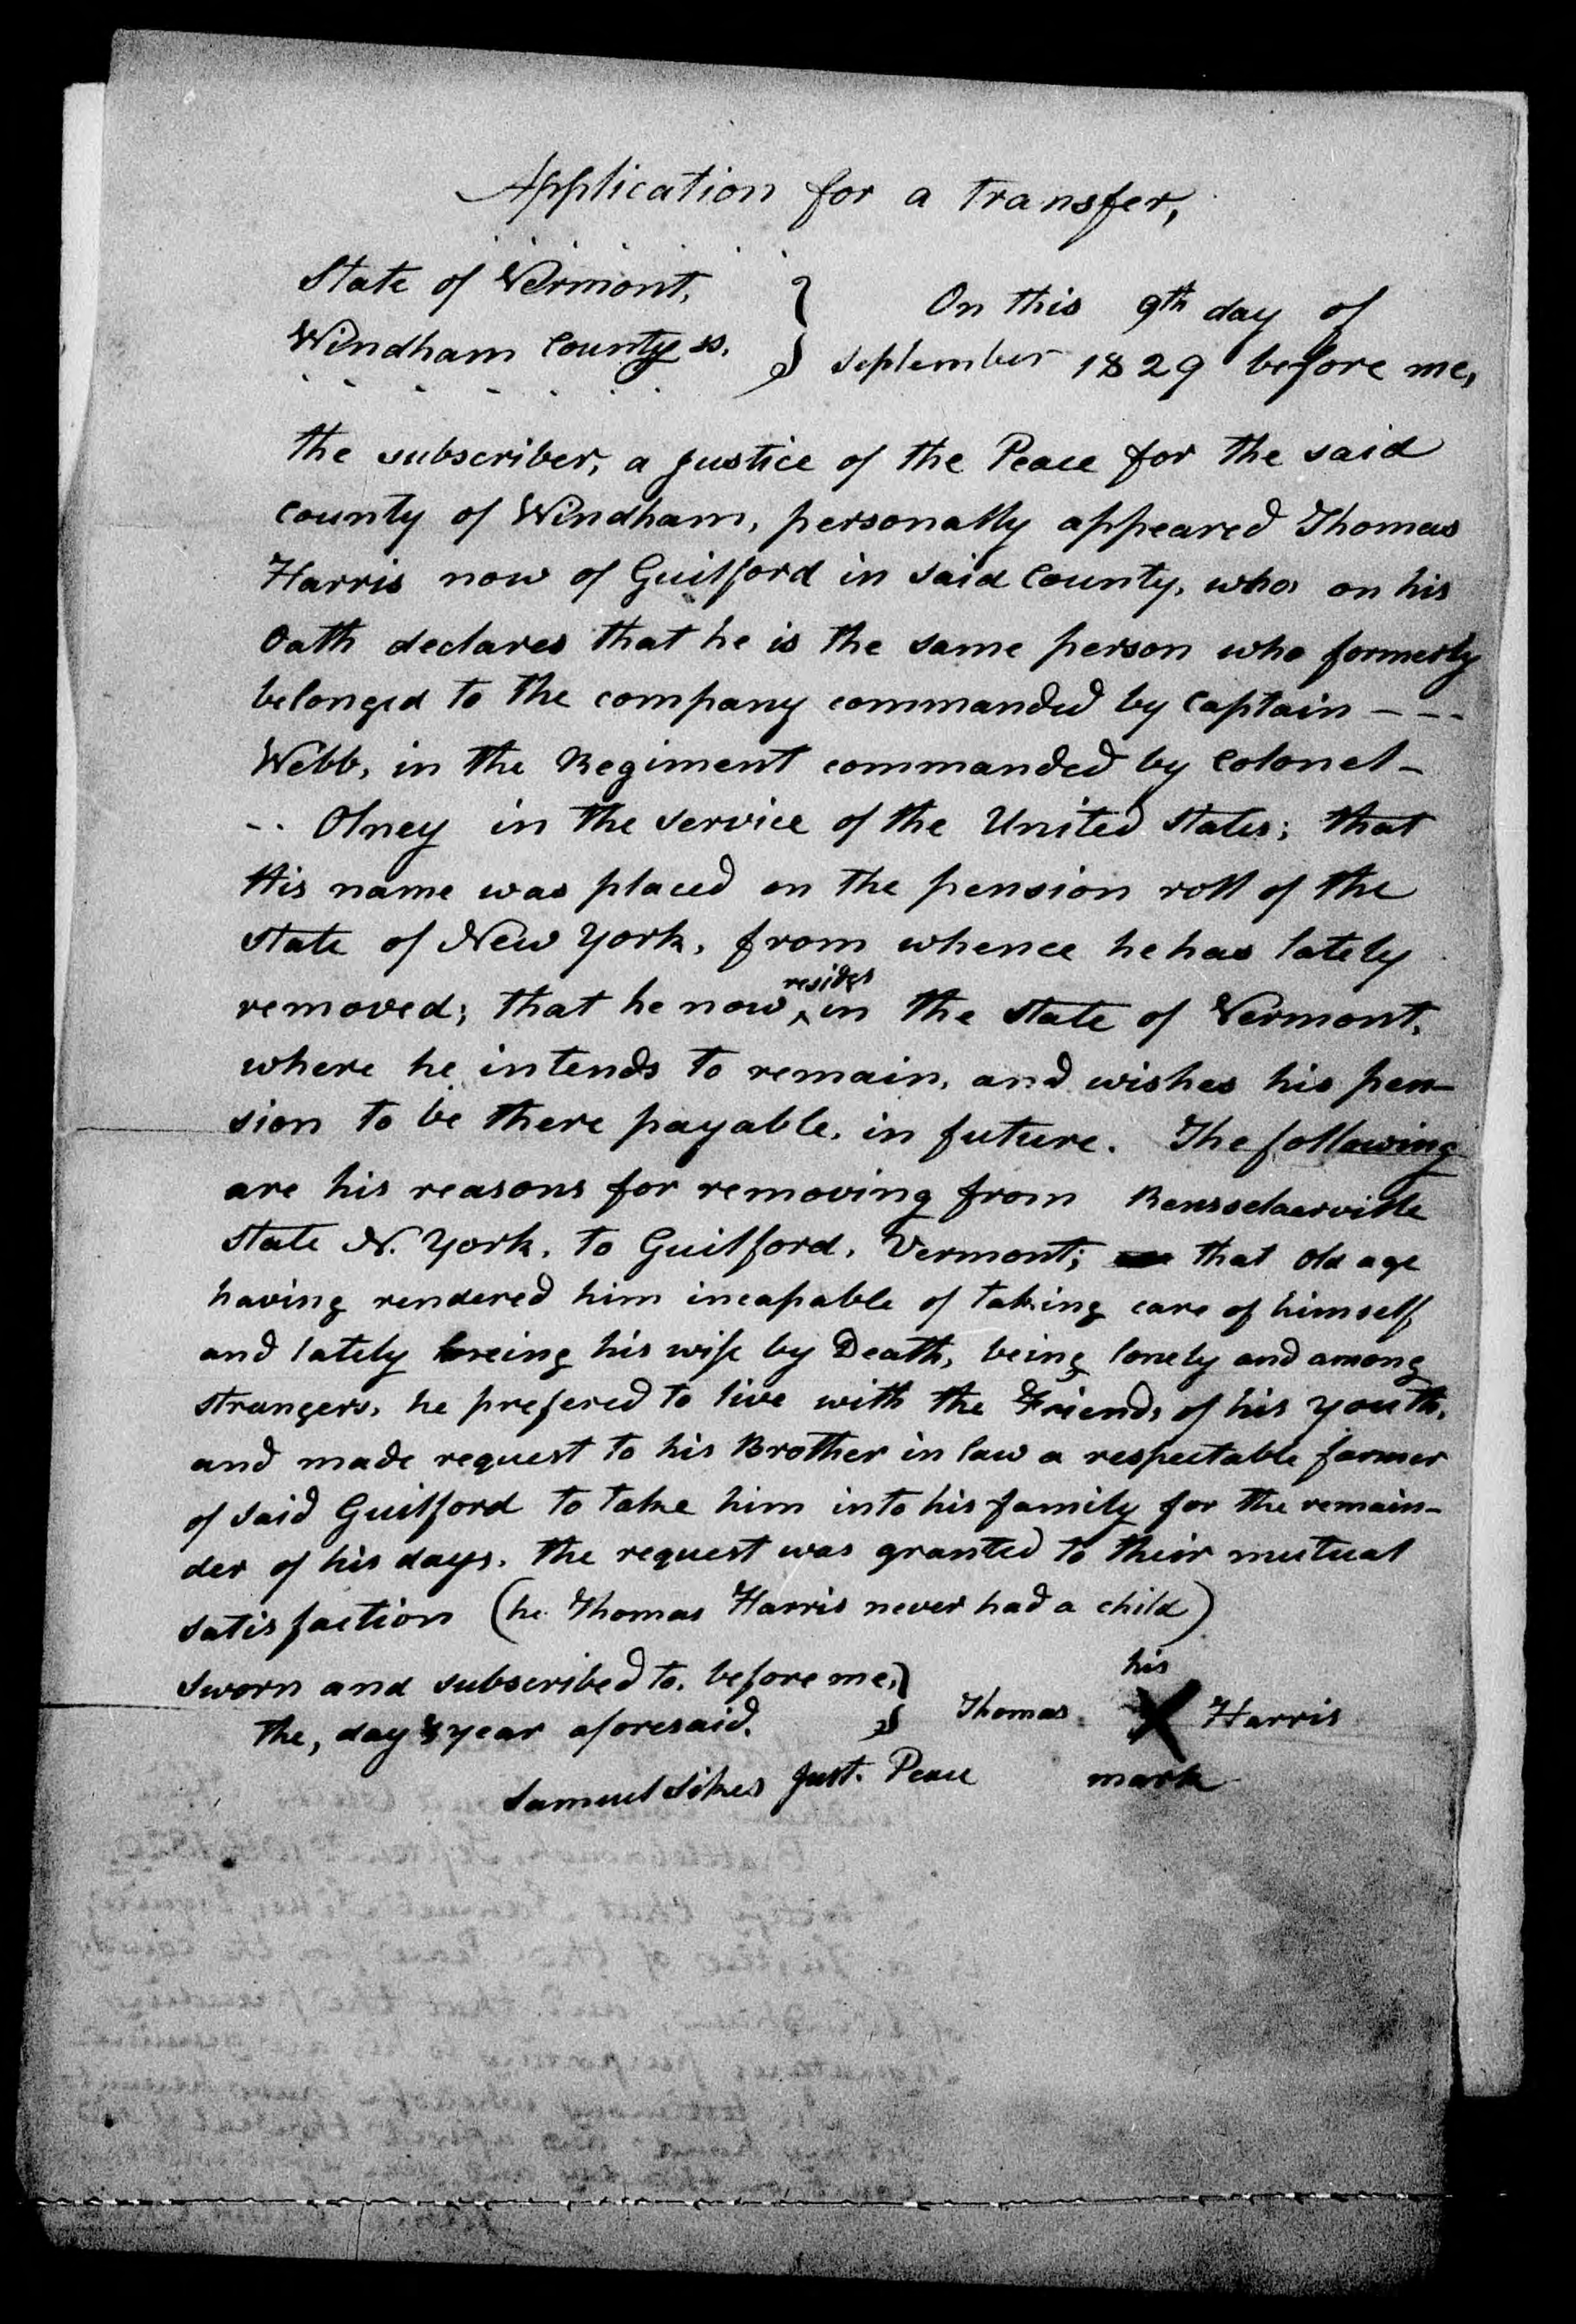Application for a Transfer, State of Vermont, Windham County ss. On this 9th day of September 1829 before me, the subscriber, a Justice of the Peace for the said county of Windham, personally appeared Thomas Harris now of Guilford in said County, who on his oath declares that he is the same person who formerly belonged to the company commanded by Captain Webb, in the Regiment commanded by Colonel Olney in the service of the United States; that his name was placed on the pension roll of the state of New York from whence he has lately removed; that he now resides in the state of Vermont where he intends to remain and wishes his pension to be there payable in future. The following are his reasons for removing from Rensselaerville State N. York, to Guilford, Vermont; that old age having rendered him incapable of taking care of himself and lately losing his wife by Death, being lonely and among strangers, he prefered to live with the friends of his youth, and mad erequest to his Brother in law a respectable former of said Guilford to take him into his family for the remainder of his days. The request was granted to their mutual satisfaction (he Thomas Harris never had a child). Sworn and subscribed to before me, the day & year aforesaid. Samuel Sikes Just. Peace his mark X Thomas Harris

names: Thomas Harris, Thomas Harris, Thomas Harris, Olney, Samuel Sikes, Webb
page: 8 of 16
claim: survivor's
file: S. 38815, Thomas Harris, R.I.